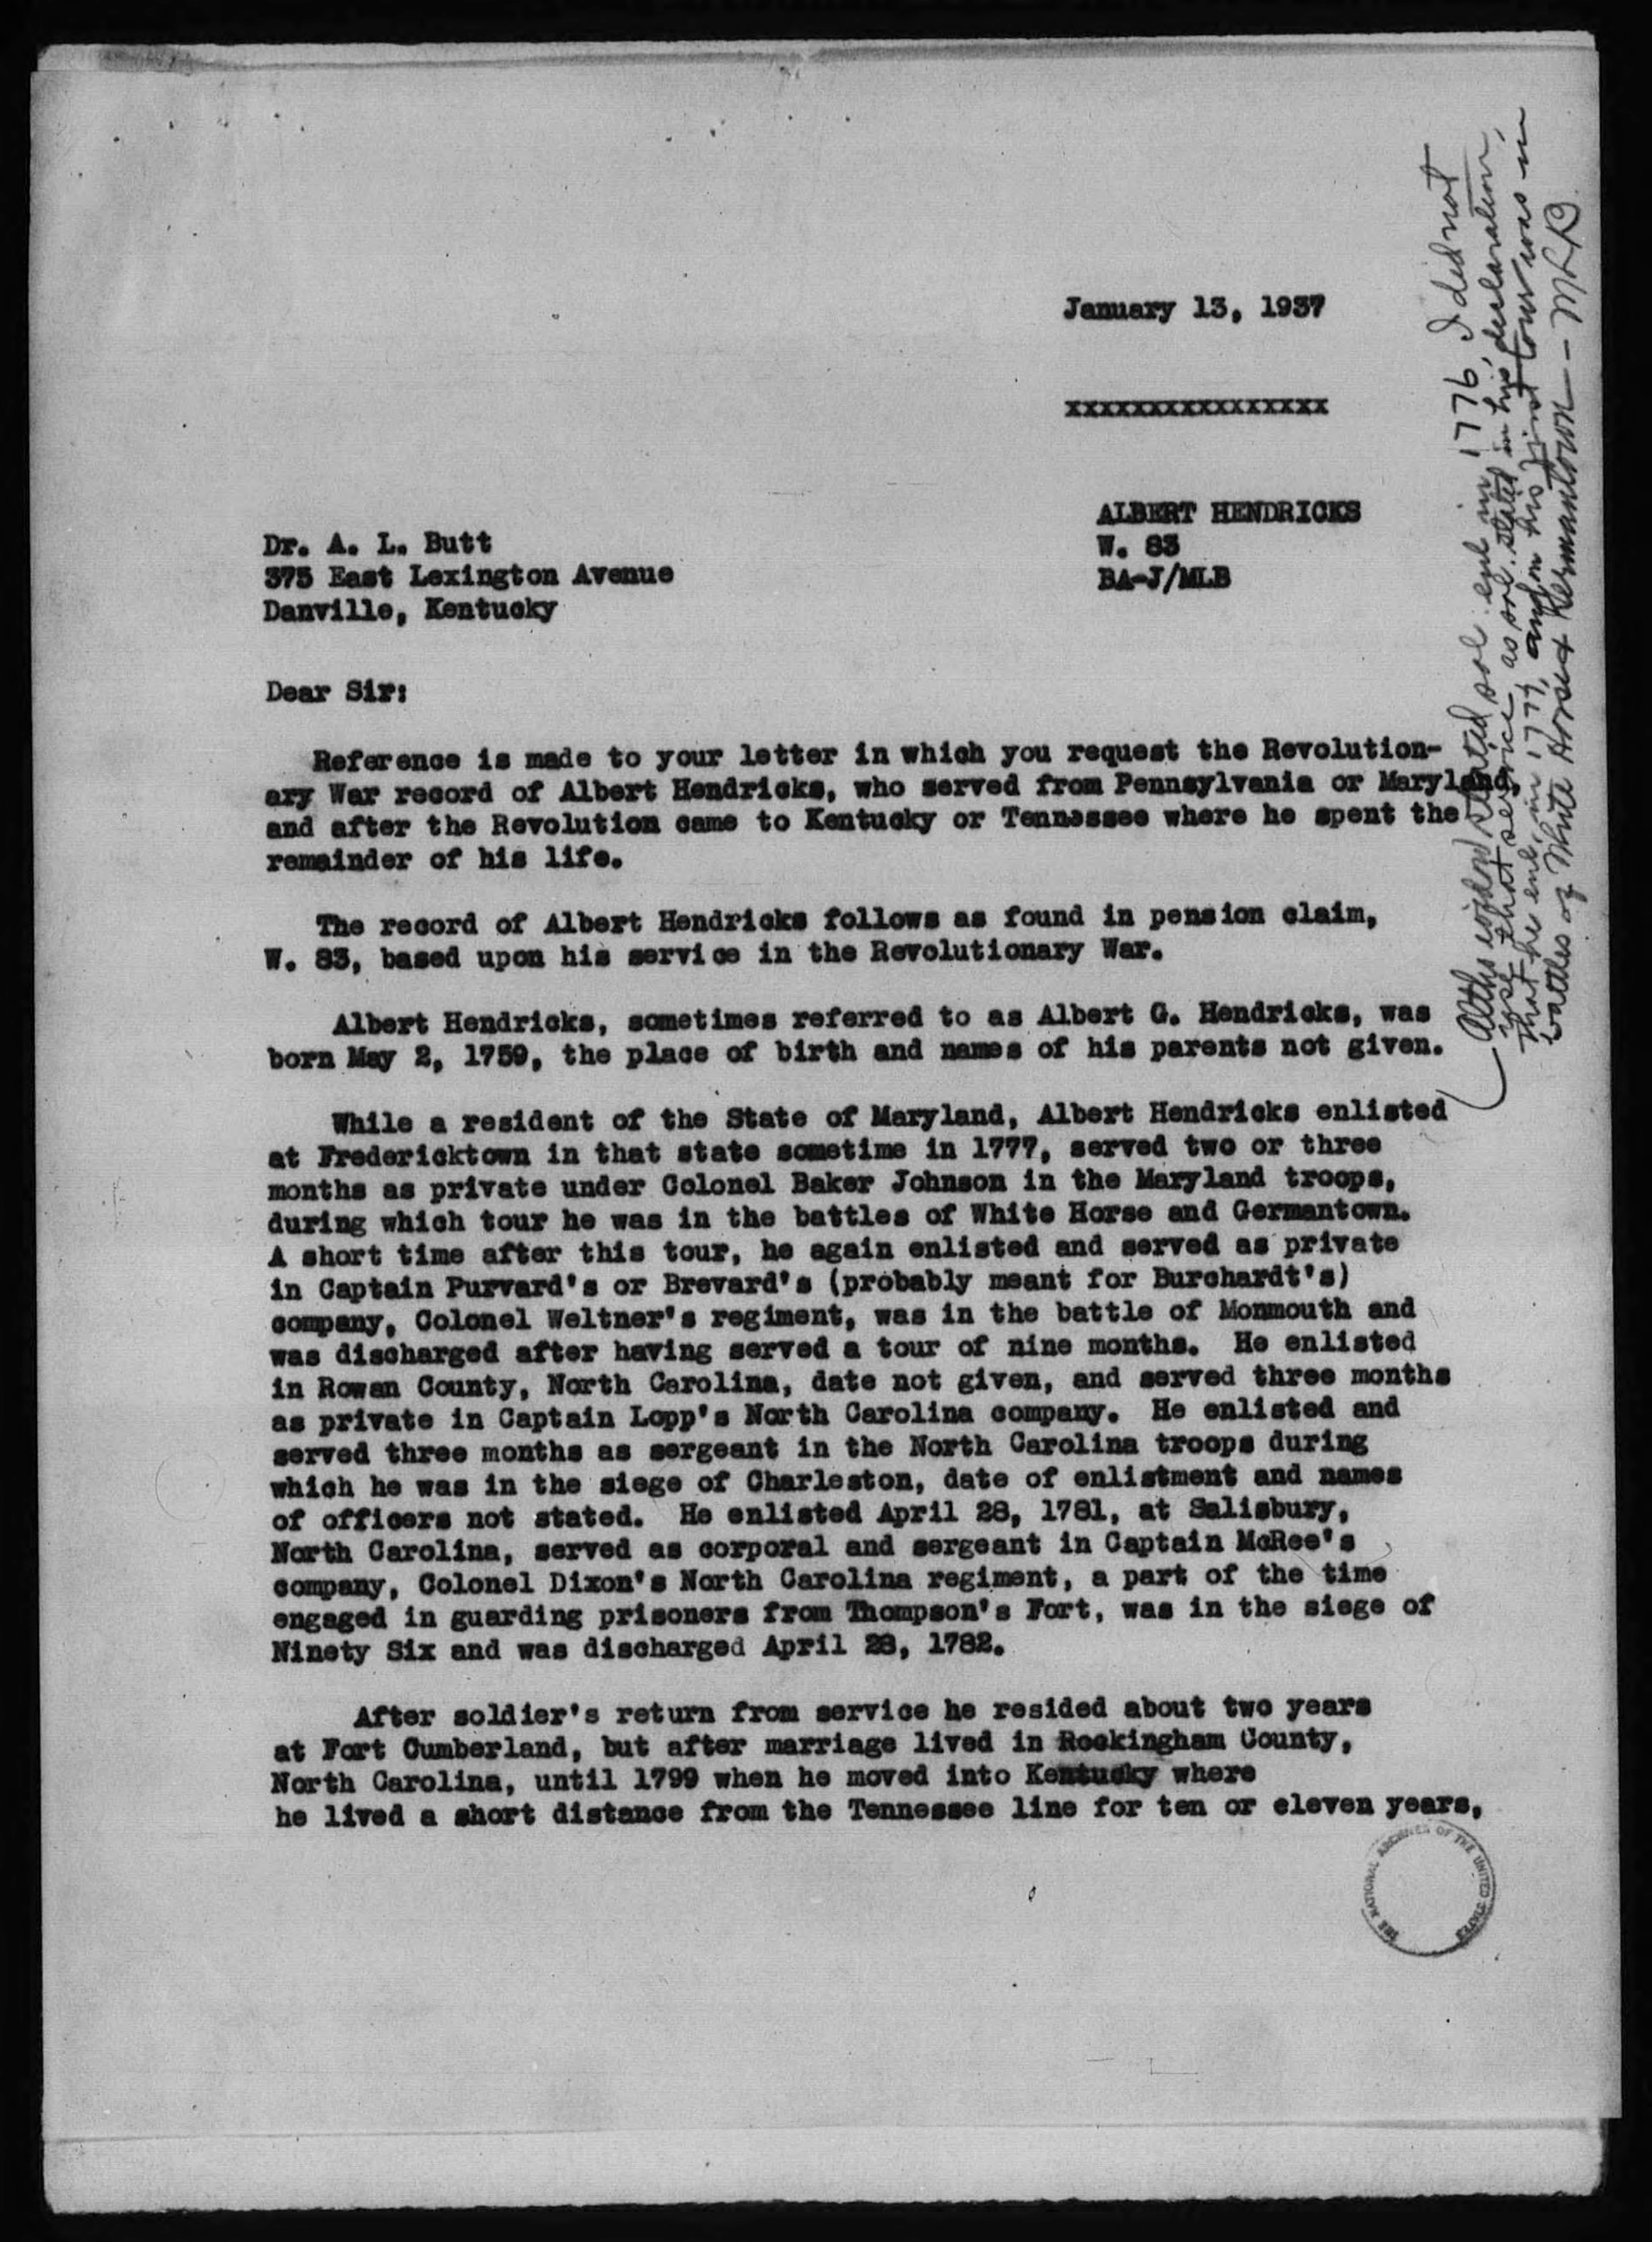January 13, 1937

xxxxxxxxxxxxxx

Dr. A. L. Butt | ALBERT HENDRICKS
375 East Lexington Avenue | W. 83
Danville, Kentucky | BA-J/MLB

Dear Sir:

Reference is made to your letter in which you request the Revolution
ary War record of Albert Hendricks, who served from Pennsylvania or Maryland, 
and after the Revolution came to Kentucky or Tennessee where he spent the 
remainder of his life.

The record of Albert Hendricks follows as found in pension claim, 
W. 83, based upon his service in the Revolutionary War.

Albert Hendricks, sometimes referred to as Albert G. Hendricks, was 
born May 2, 1759, the place of birth and names of his parents not given.

[Note regarding his service written vertically in right margin:
Although widow stated sol enl in 1776, I did not 
use that service, as sol. stated in his declaration 
that he enl. in 1777, and in his first tour was in the 
battles of White Horse & Germantown. MLB]
While a resident of the State of Maryland, Albert Hendricks enlisted 
at Fredericktown in that state sometime in 1777, served two or three 
months as private under Colonel Baker Johnson in the Maryland troops, 
during which tour he was in the battles of White Horse and Germantown. 
A short time after this tour, he again enlisted and served as private 
in Captain Purvard's or Brevard's (probably meant for Burchardt's) 
company, Colonel Weltner's regiment, was in the battle of Monmouth and 
was discharged after having served a tour of nine months.  He enlisted 
in Rowan County, North Carolina, date not given, and served three months 
as private in Captain Loop's North Carolina company.  He enlisted and 
served three months as sergeant in the North Carolina troops during 
which he was in the siege of Charleston, date of enlistment and names 
of officers not stated.  He enlisted April 28, 1781, at Salisbury, 
North Carolina, served as corporal and sergeant in Captain McRee's
company, Colonel Dixon's North Carolina regiment, a part of the time 
engaged in guarding prisoners from Thompson's Fort, was in the siege of 
Ninety Six and was discharged April 28, 1782.  

After soldier's return from service he resided about two years 
at Fort Cumberland, but after marriage lived in Rockingham County, 
North Carolina, until 1799 when he moved into Kentucky where 
he lived a short distance from the Tennessee line for ten or eleven years,  

[Circular stamp National Archives]
THE NATIONAL ARCHIVES OF THE UNITED STATES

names: Albert G Hendricks, Baker Johnson, Albert Hendricks, Albert Hendricks, Albert Hendricks, Albert Hendricks, Albert Hendricks, A L Butt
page: 71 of 76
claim: widow's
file: W. 83, Albert Hendricks, Continental Md. N.C.